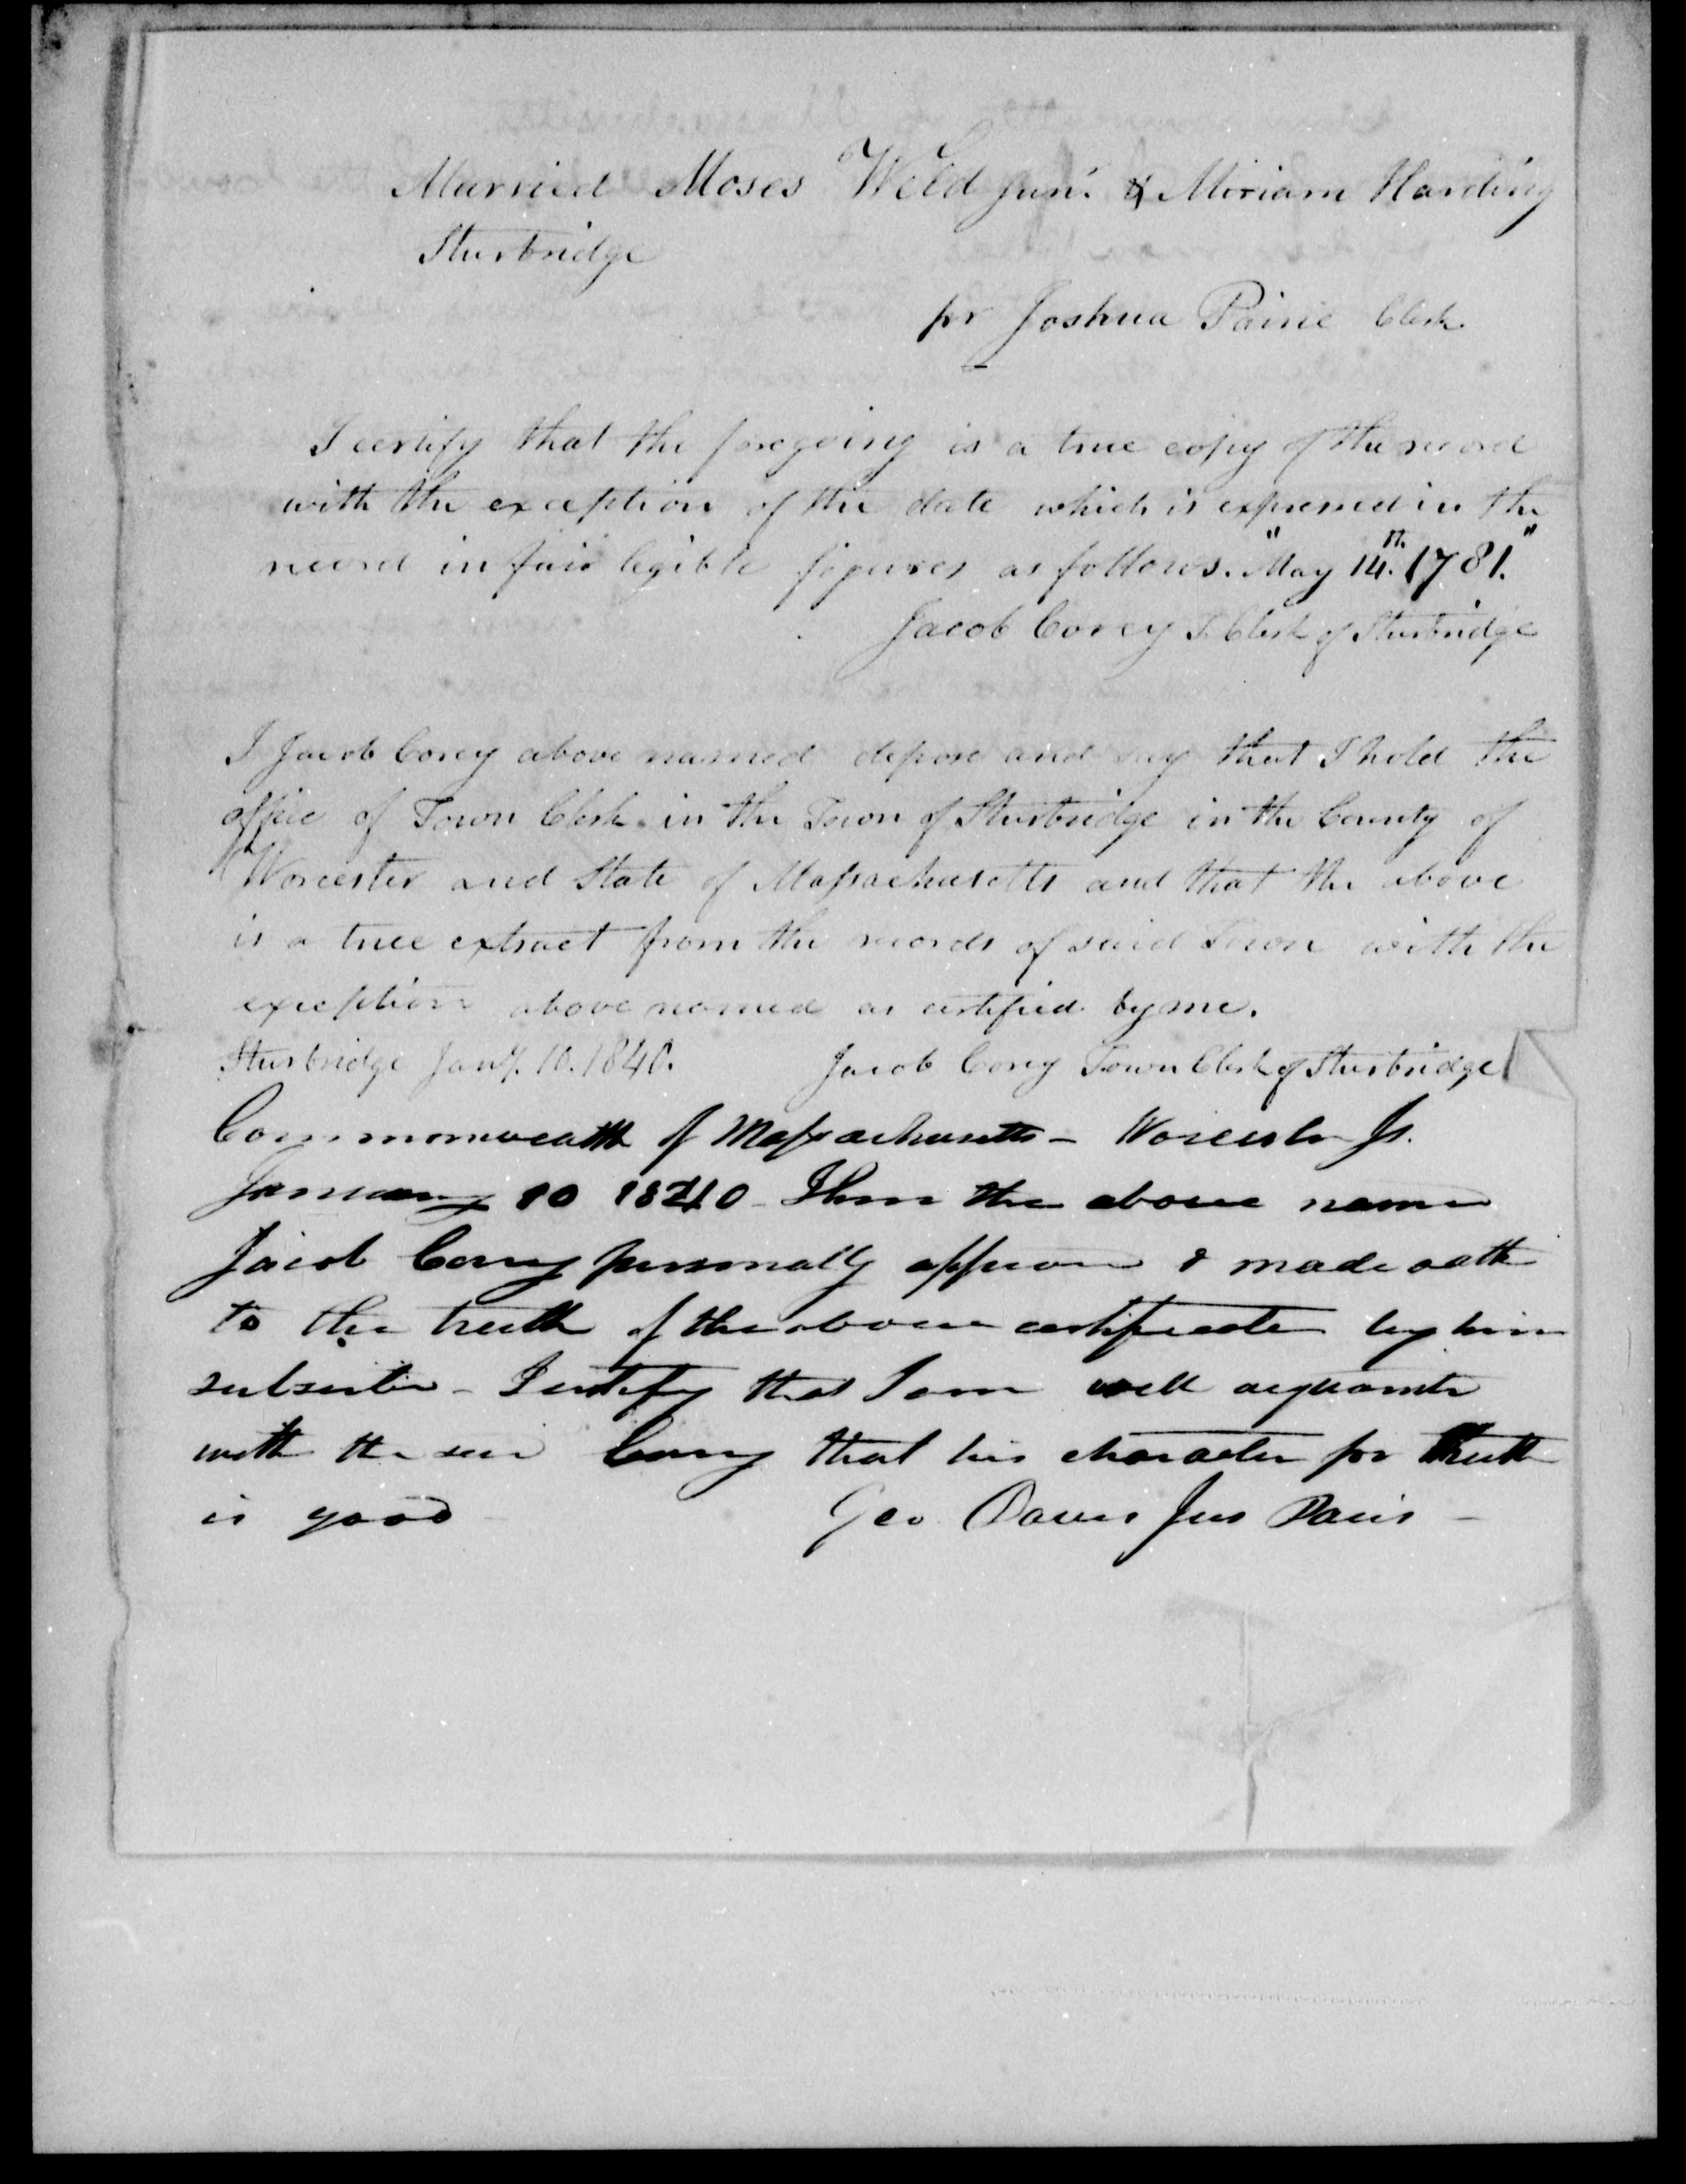Married Moses Weld and Miriam Harding
Sturbridge
for Joshua Paine, Clerk
I certify that the foregoing is a true copy of the record with the exception of the date which is expressed in the record in fair legible figures as follows  "May 14th 1781"

I Jacob Corey above named depose and say that I hold the office of Town Clerk in the Town of Sturbridge in the County of Worcester and State of Massachusetts and that the above is a true extract from the records of said town with the exception above named as certified by me.
Sturbridge Jan'y 10, 1840.  Jacob Corey, Town Clerk of Sturbridge.

Commonwealth of Massachusetts, Worcester fs[?]
January 10, 1840.  I know the above named Jacob Corey personally of the above ap_[?] & made oath to the truth of the certificate by him [_?] - I certify that I am well acquainted with the [_?] Corey that his character for truth is good.  Geo. Davis Jus Pais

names: Geo Davis, Miriam Harding, Jacob Corey, Joshua Paine, Moses Weld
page: 4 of 87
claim: widow's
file: W. 25,966, Moses Weld, Mass.